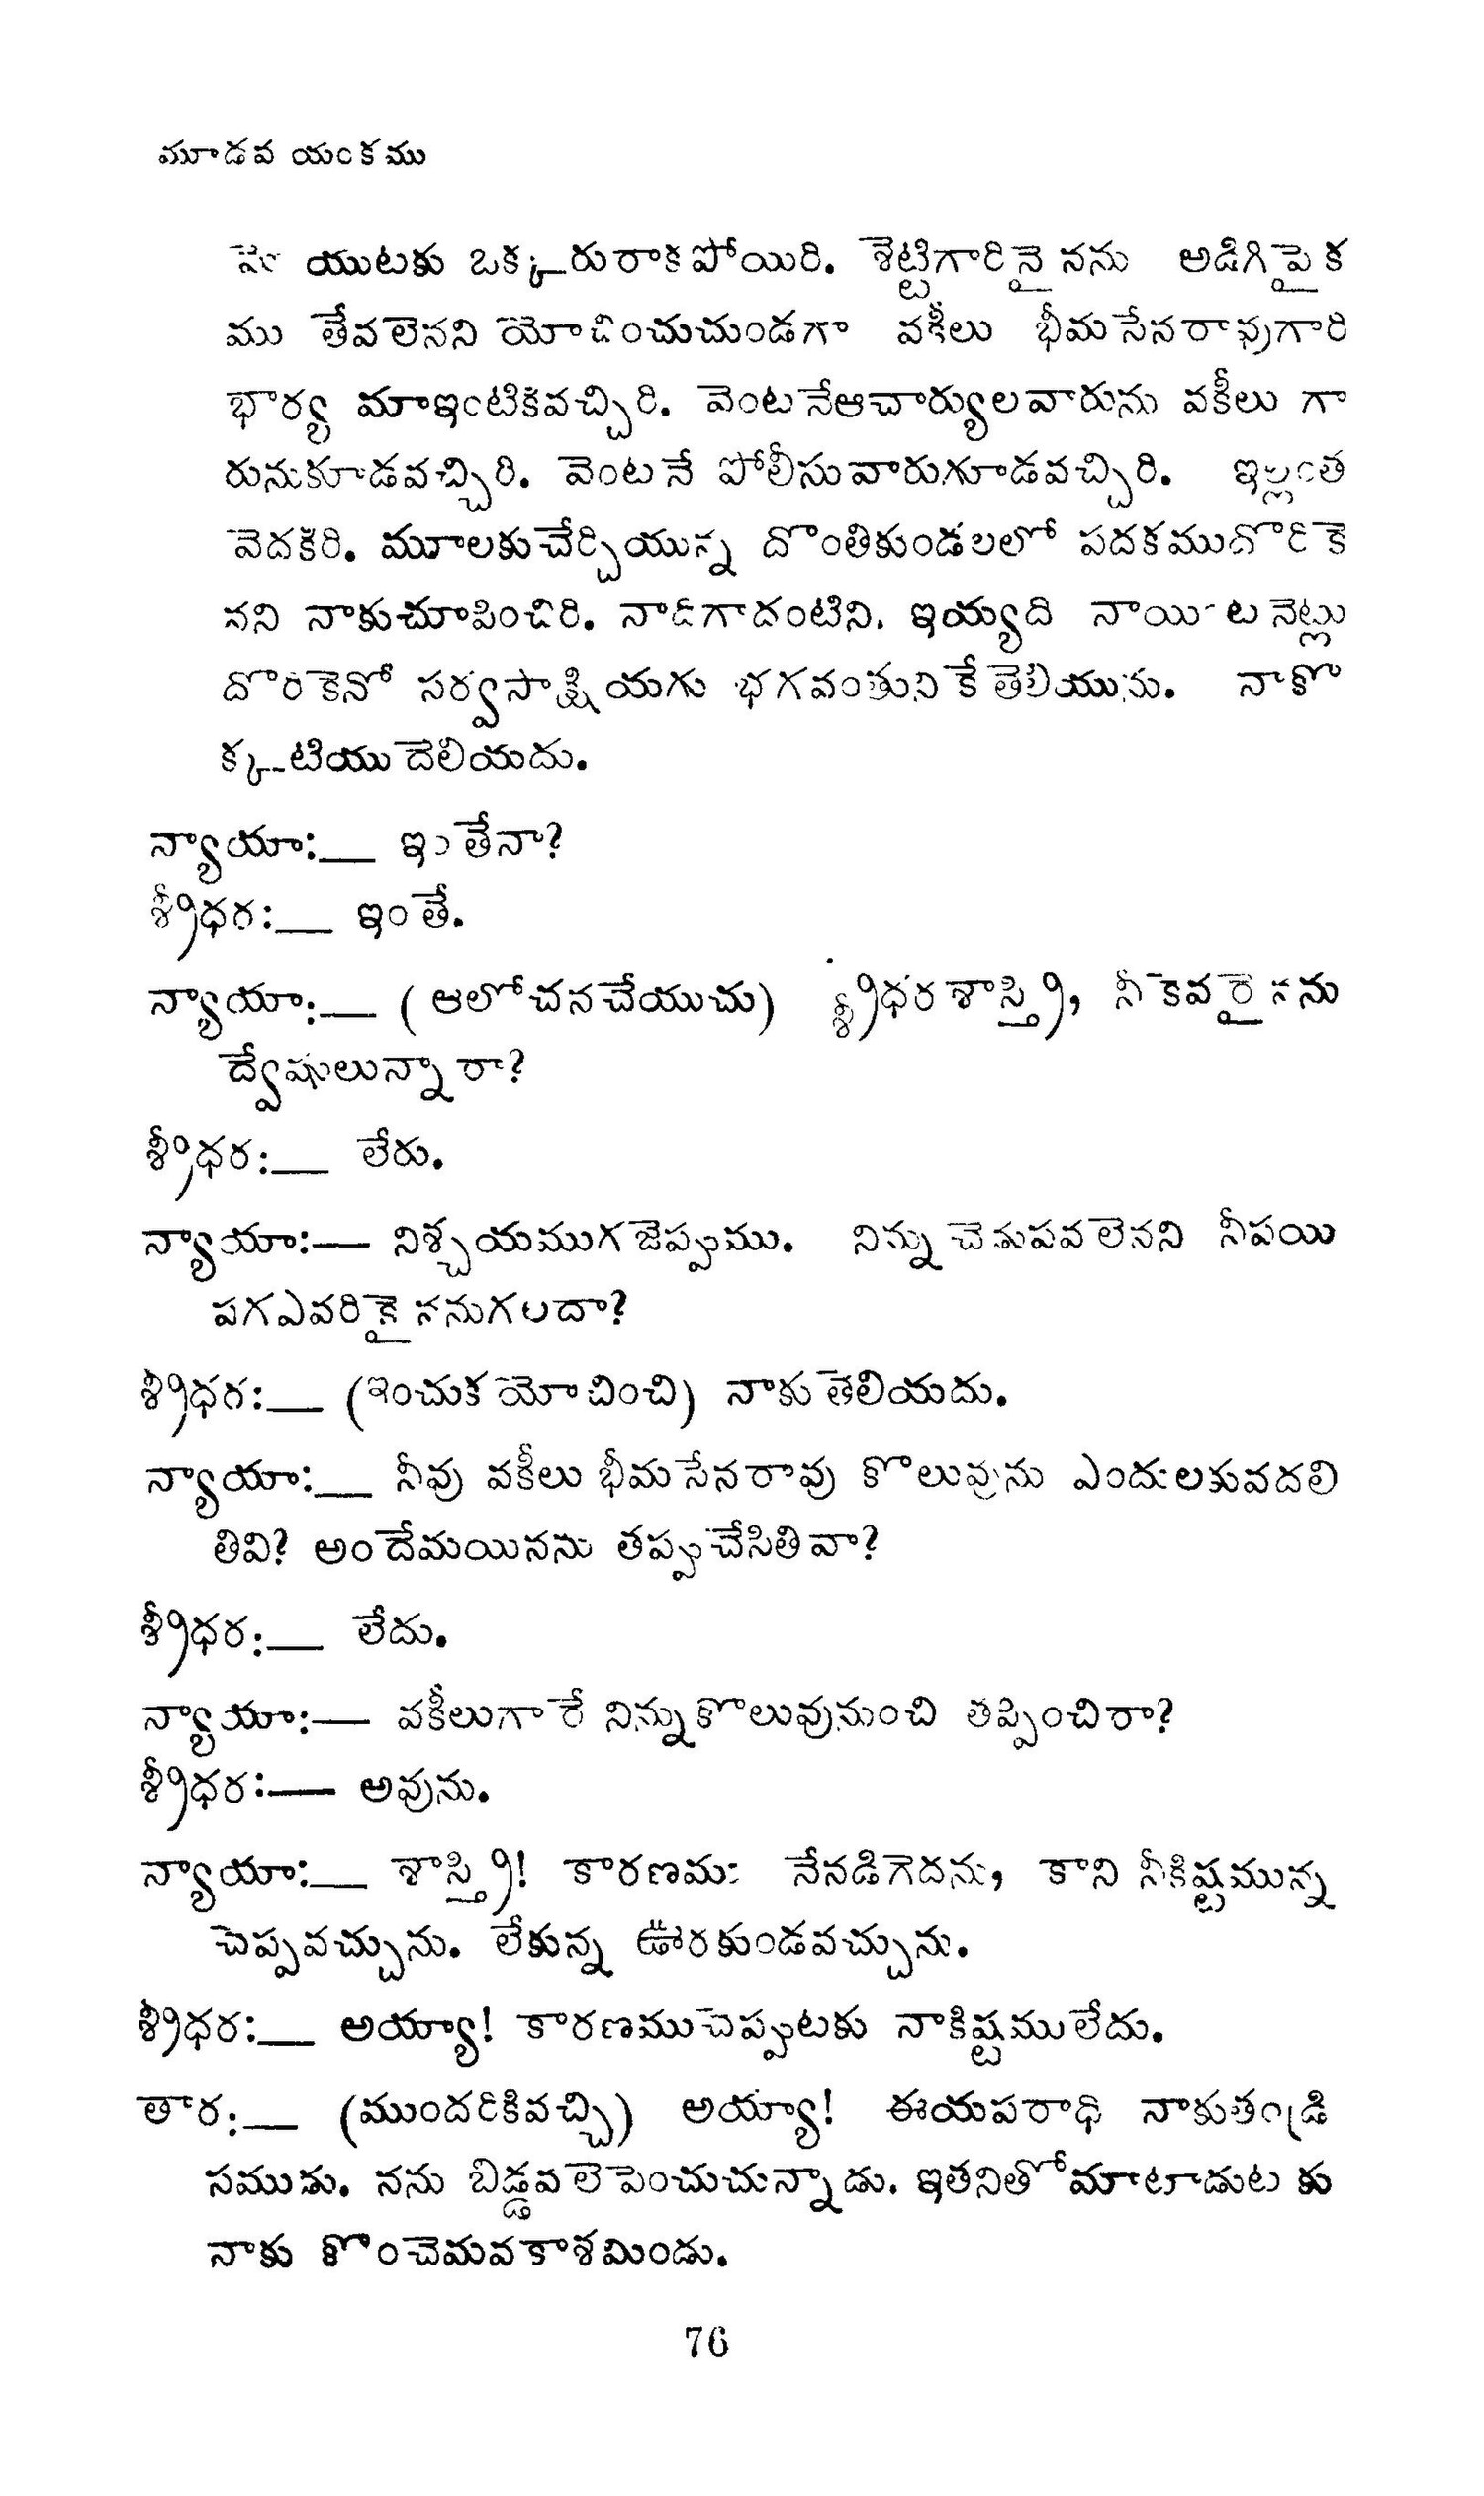మోయుటకు ఒక్కరురాకపోయిరి. శెట్టిగారినైనను అడిగి పైకము తేవలెనని యోచించుచుండగా వకీలు భీమసేనగారి బార్య మాఇంటికివచ్చిరి. వెంటనే ఆచార్యులవారిని వకీలుగారిని చూడవచ్చిరి. వెంటనే పొలీసువారు గూడ వచ్చిరి. ఇల్లంత వెదకిరి. మూలకు చేర్చియున్నదొంతి కుండలలో పదకము దొరికెనని నాకుచూపించిరి. నాదిగాదంటిని. ఇయ్యది నాయింటనెట్లు దొరికెనో సర్వసాక్షియగు భగవంతునకే తెలియును. నాకొక్కటియు దెలియదు.

న్యాయా:-ఇంతేనా/

శ్రీధర:- ఇంతే

న్యాయా:-(ఆలొచనచేయుచు) శ్రీధరశాస్త్రి, నెకెవరైనను ద్వేషులున్నారా?

శ్రీధర:-లేదు.

న్యాయా:-నిశ్చయముగచెప్పుము. నిన్నుచెడుపవలె నని నీపయి పగ ఎవరికైనను గలదా?

శ్రీధర:-(ఇంచుకయోచించి) నాకుతెలియదు

న్యాయా:-నీవు వకీలు బీమసేనరావు కొలువును ఎందులకు వదలితివి? అందేమయినను తప్పు చేసితివా?

శ్రీధర:-లేదు

న్యాయా:-వకీలుగారే నిన్నుకొలువునుంచి తప్పించిరా?

శ్రీధర:-అవును.

న్యాయా:-శాస్త్రి! కారణమని నేనడిగెదను, కాని నీకిష్టమున్న చెప్పవచ్చును. లేకున్న ఊరకుండ వచ్చును.

శ్రీధర:-అయ్యా! కారణము చెప్పుటకు నాకిష్టములేదు.

తార:-(ముందుకివచ్చి) అయ్యా! ఈయపరాధి నాకు తండ్రి సముడు. నను బిడ్డవలె పెంచుచున్నారు. ఇతనితొ మాటాడుటకు నాకు కొంచెమవకాశమిండు.